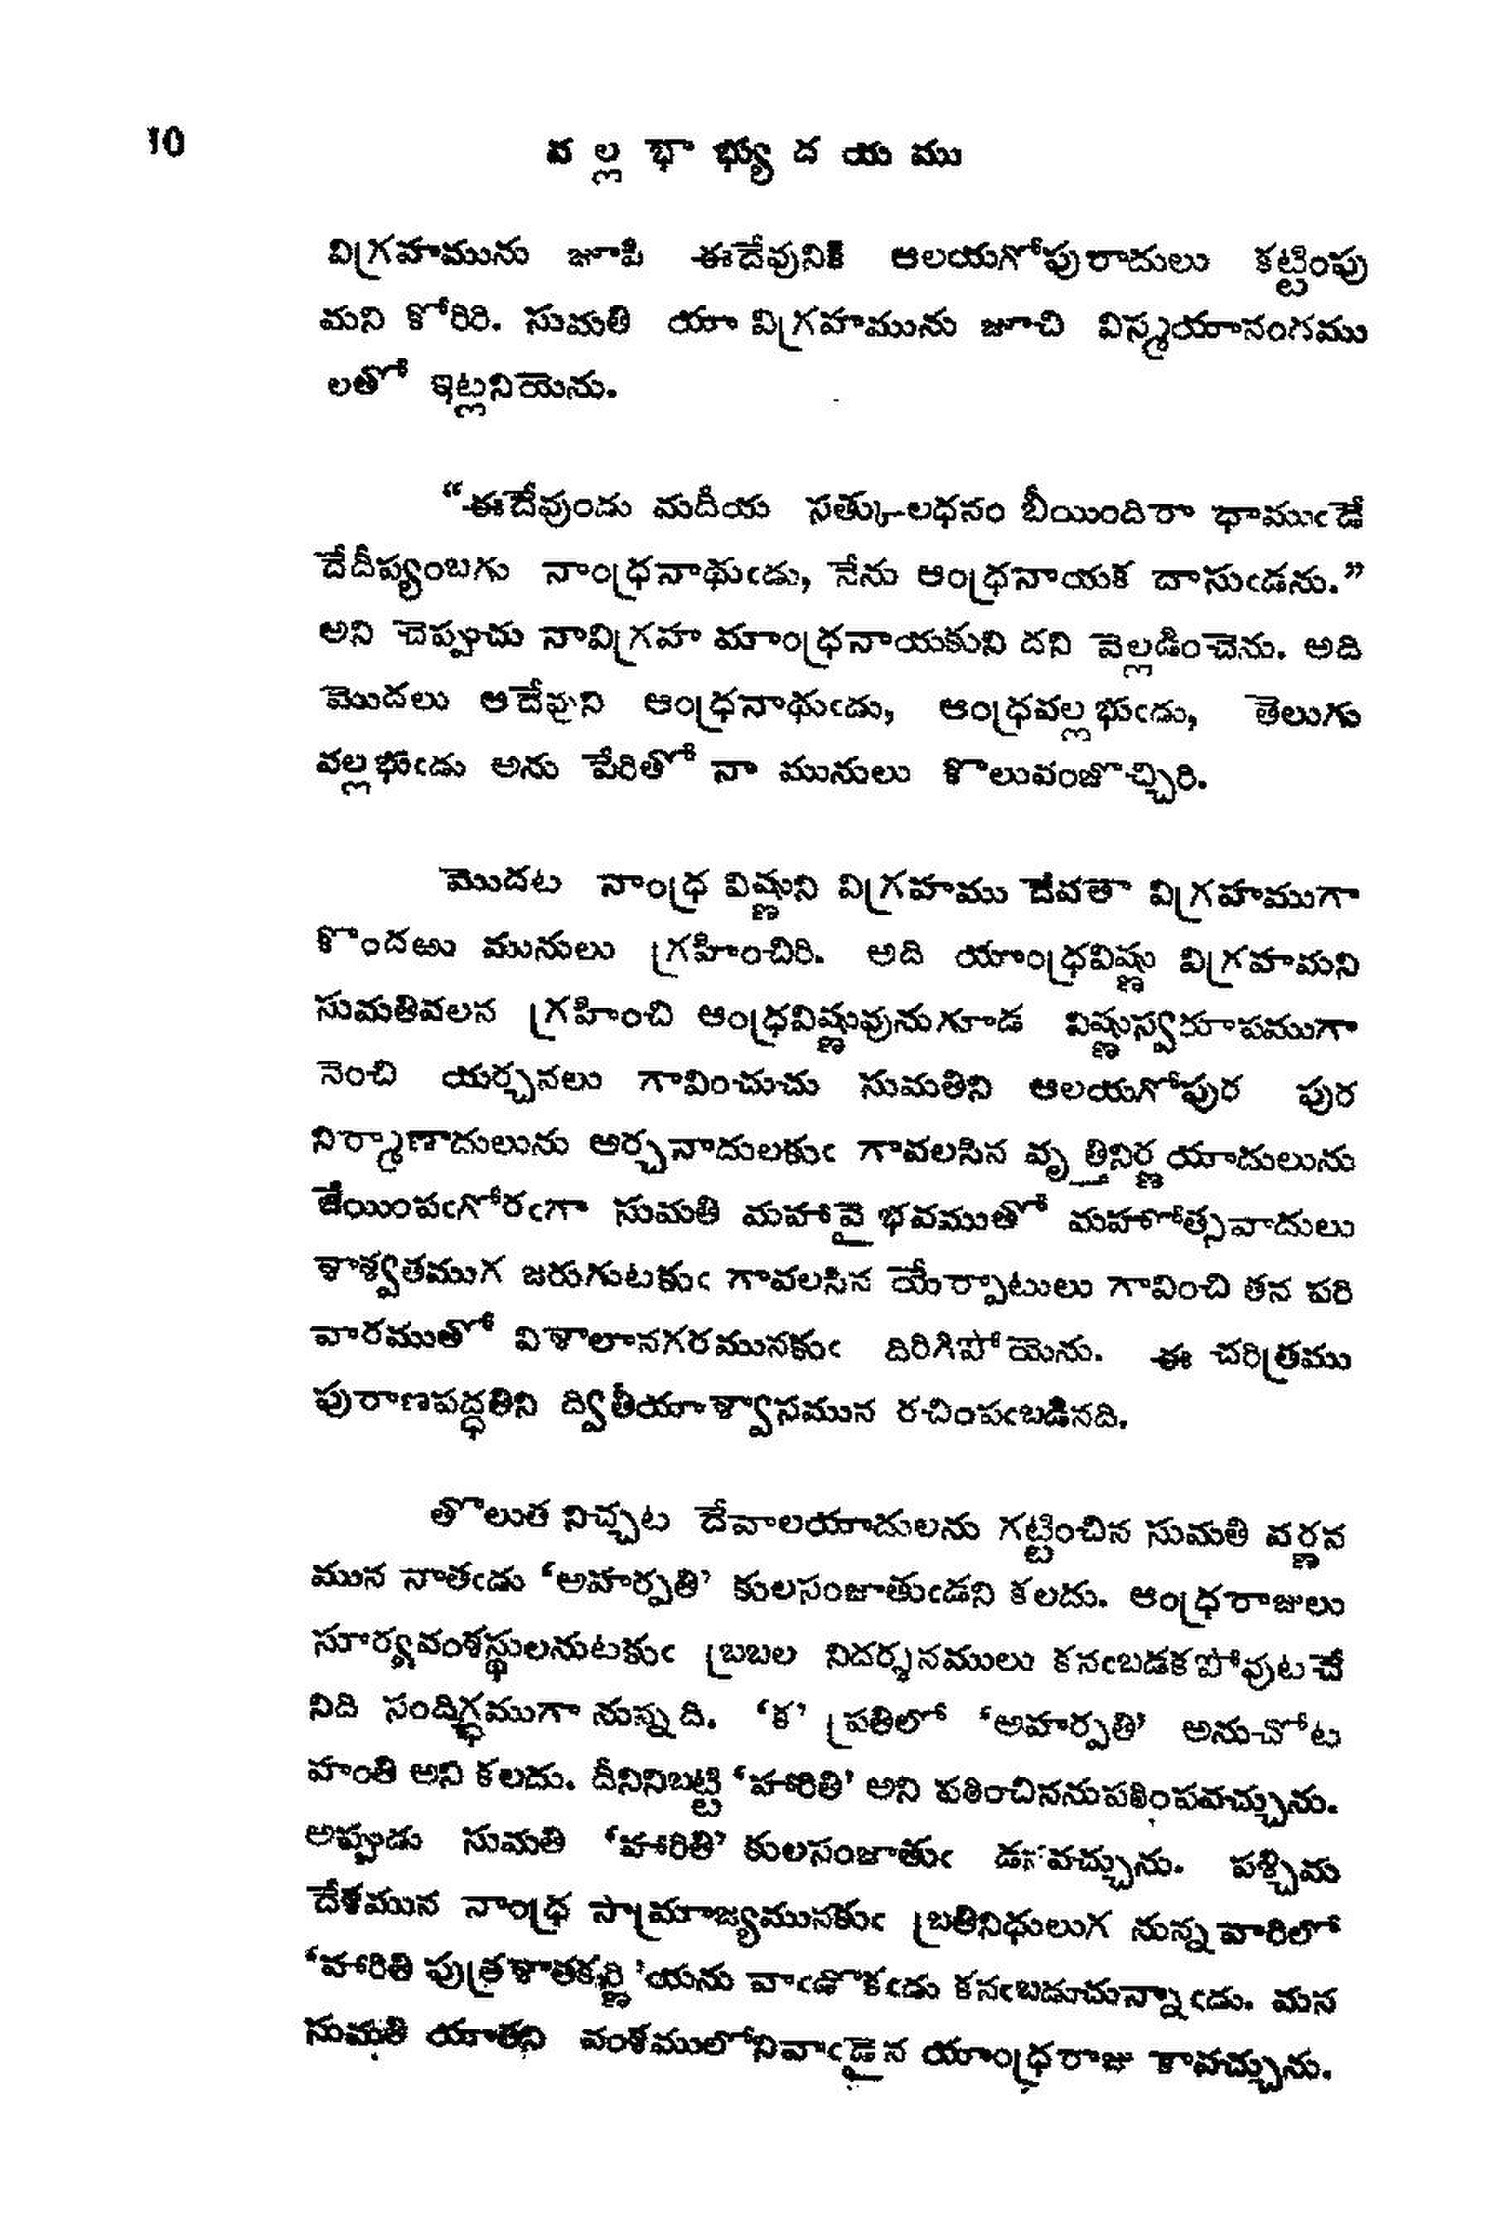విగ్రహమును జూపి ఈ దేవునికి ఆలయగోపురాదులు కట్టింపమని కోరిరి. సుమతి యా విగ్రహమును జూచి విస్మయానందము
లతో ఇట్లనియెను.

“ఈ దేవుండు మదీయ సత్కులధనం బీయిందిరా రాముఁడే దేదీప్యంబగు నాంధ్రనాథుఁడు, నేను ఆంధ్రనాయక దాసుఁడను.” అని చెప్పుచు నావిగ్రహ మాంధ్రనాయకుని దని వెల్లడించెను. అది మొదలు ఆదేవుని ఆంధ్రనాథుఁడు, ఆంధ్రవల్ల భుఁడు, తెలుగు వల్లభుఁడు అను పేరితో నా మునులు కొలువంజొచ్చిరి.

మొదట నాంధ్ర విష్ణుని విగ్రహము దేవతా విగ్రహముగా కొందఱు మునులు గ్రహించిరి. అది యాంధ్రవిష్ణు విగ్రహమని
సుమతివలన గ్రహించి ఆంధ్రవిష్ణువును గూడ విష్ణుస్వరూపముగా నెంచి యర్చనలు గావించుచు సుమతిని ఆలయగోపుర పుర నిర్మాణాదులును అర్చనాదులకుఁ గావలసిన వృత్తినిర్ణ యాదులును జేయింపఁగోరఁగా సుమతి మహావైభవముతో మహోత్సవాదులు శాశ్వతముగ జరుగుటకుఁ గావలసిన యేర్పాటులు గావించి తన పరివారముతో విశాలానగరమునకుఁ దిరిగిపోయెను. ఈ చరిత్రము పురాణపద్ధతిని ద్వితీయాశ్వాసమున రచింపఁబడినది.

తొలుత నిచ్చట దేవాలయాదులను గట్టించిన సుమతి వర్ణనమున నాతఁడు “అహర్పతి' కులసంజాతుఁడని కలదు. ఆంధ్రరాజులు సూర్యవంశస్థులనుటకుఁ బ్రబల నిదర్శనములు కనఁబడక పోవుటచే నిది సందిగ్ధముగా నున్నది. 'క' ప్రతిలో 'అహర్పతి' అనుచోట హంతి అని కలదు. దీనినిబట్టి 'హారితి' అని పఠించినను పఠింపవచ్చును. అప్పుడు సుమతి 'హారితి' కులసంజాతుఁ డన వచ్చును. పశ్చిమ దేశమున నాంధ్ర సామ్రాజ్యమునకుఁ బ్రతినిధులుగ నున్న వారిలో
'హారితి పుత్రశాతకర్ణి ' యను వాఁడొకఁడు కనఁబడుచున్నాఁడు. మన సుమతి యాతని వంశములోనివాఁడైన యాంధ్రరాజు కావచ్చును.